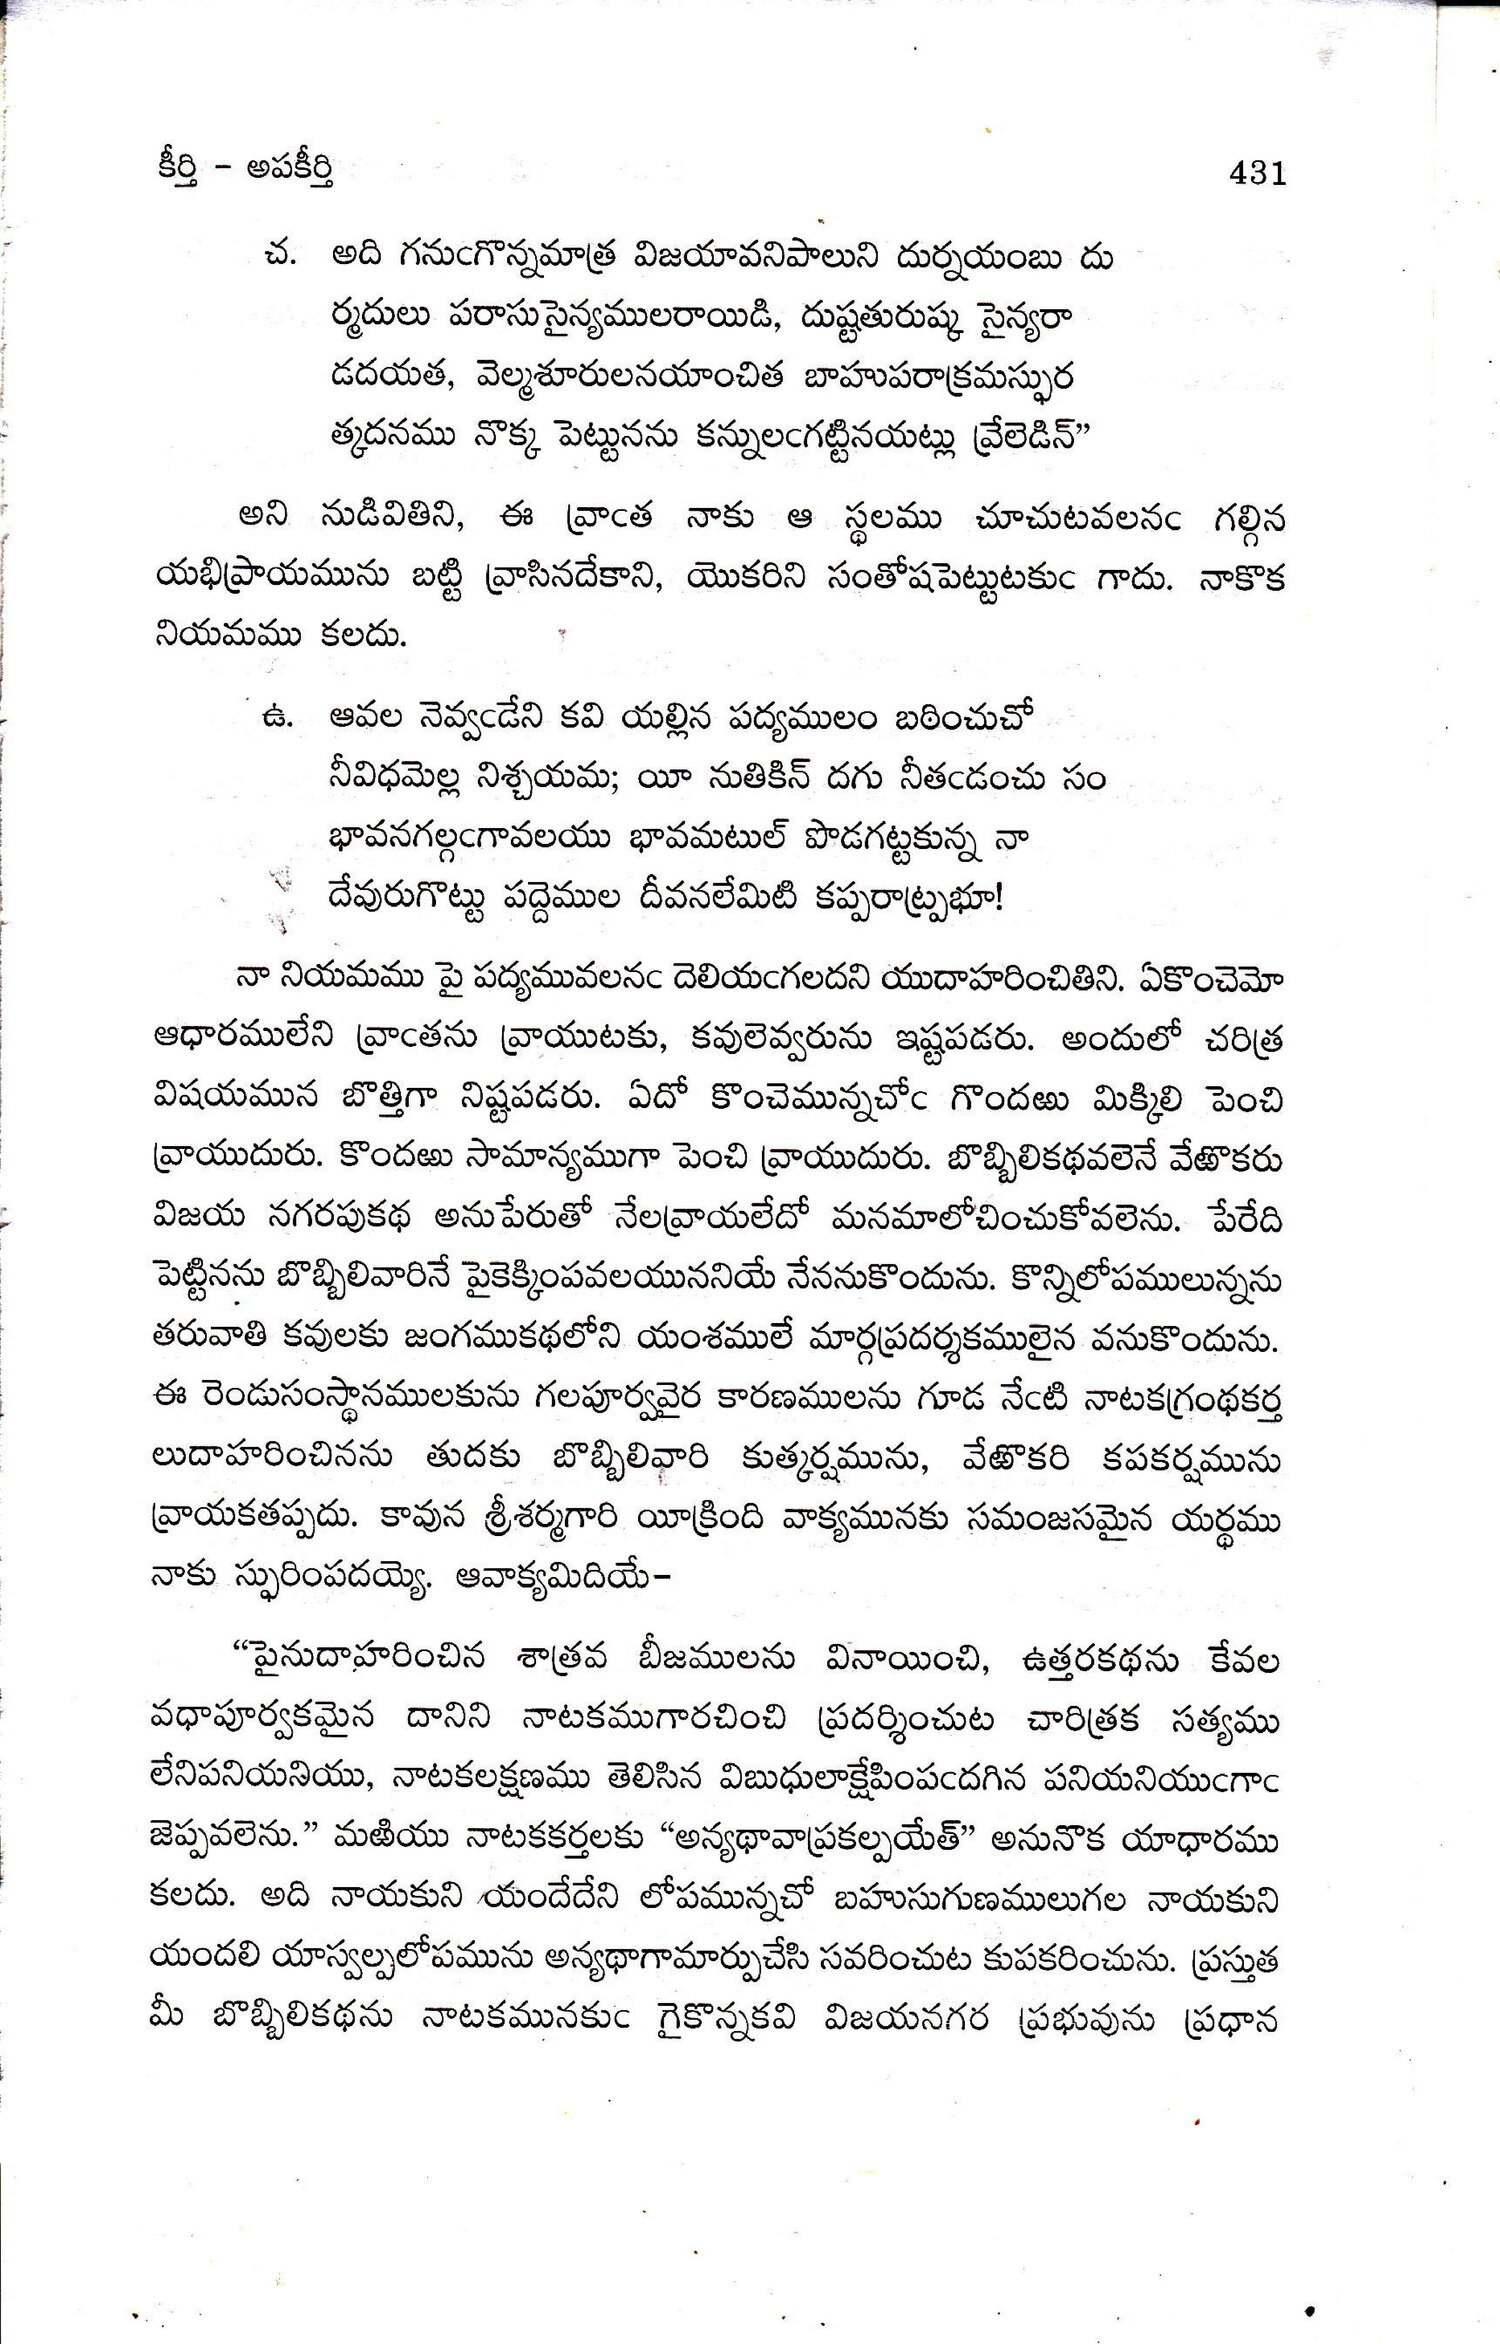చ. అది గనుఁగొన్నమాత్ర విజయావనిపాలని దుర్నయంబు దు
 ర్మదులు పరాసుసైన్యములరాయిడి, దుష్టతురుష్క సైన్యరా 
 డదయత, వెల్మశూరులనయాంచిత బాహుపరాక్రమస్ఫుర 
 త్కదనము నొక్క పెట్టునను కన్నులఁగట్టినయట్లు వ్రేలెడిన్"
అని నుడివితిని, ఈ వ్రాఁత నాకు ఆ స్థలము చూచుటవలనఁ గల్గిన యభిప్రాయమును బట్టి వ్రాసినదేకాని, యొకరిని సంతోషపెట్టుటకుఁ గాదు. నాకొక నియమము కలదు.

ఉ. ఆవల నెవ్వఁడేని కవి యల్లిన పద్యములం బఠించుచో
 నీవిధమెల్ల నిశ్చయమ; యీ నుతికిన్ దగు నీతఁడంచు సం 
 భావనగల్గఁగావలయు భావమటుల్ పొడగట్టకున్న నా 
 దేవురుగొట్టు పద్దెముల దీవనలేమిటి కప్పరాట్ర్పభూ!
నా నియమము పై పద్యమువలనఁ దెలియఁగలదని యుదాహరించితిని. ఏకొంచెమో ఆధారములేని వ్రాఁతను వ్రాయుటకు, కవులెవ్వరును ఇష్టపడరు. అందులో చరిత్ర విషయమున బొత్తిగా నిష్టపడరు. ఏదో కొంచెమున్నచోఁ గొందఱు మిక్కిలి పెంచి వ్రాయుదురు. కొందఱు సామాన్యముగా పెంచి వ్రాయుదురు. బొబ్బిలికథవలెనే వేఱొకరు విజయ నగరపుకథ అనుపేరుతో నేలవ్రాయలేదో మనమాలోచించుకోవలెను. పేరేది పెట్టినను బొబ్బిలివారినే పైకెక్కింపవలయుననియే నేననుకొందును. కొన్నిలోపములున్నను తరువాతి కవులకు జంగముకథలోని యంశములే మార్గప్రదర్శకములైన వనుకొందును. ఈ రెండుసంస్థానములకును గలపూర్వవైర కారణములను గూడ నేఁటి నాటకగ్రంథకర్త లుదాహరించినను తుదకు బొబ్బిలివారి కుత్కర్షమును, వేఱొకరి కపకర్షమును వ్రాయకతప్పదు. కావున శ్రీశర్మగారి యీక్రింది వాక్యమునకు సమంజసమైన యర్ధము నాకు స్ఫురింపదయ్యె ఆవాక్యమిదియే

“పైనుదాహరించిన శాత్రవ బీజములను వినాయించి, ఉత్తరకథను కేవల వధాపూర్వకమైన దానిని నాటకముగారచించి ప్రదర్శించుట చారిత్రక సత్యము లేనిపనియనియు, నాటకలక్షణము తెలిసిన విబుధులాక్షేపింపఁదగిన పనియనియుఁగాఁ జెప్పవలెను.” మఱియు నాటకకర్తలకు "అన్యథావాప్రకల్పయేత్" అనునొక యాధారము కలదు. అది నాయకుని యందేదేని లోపమున్నచో బహుసుగుణములుగల నాయకుని యందలి యాస్వల్పలోపమును అన్యథాగామార్పుచేసి సవరించుట కుపకరించును. ప్రస్తుత మీ బొబ్బిలికథను నాటకమునకుఁ గైకొన్నకవి విజయనగర ప్రభువును ప్రధాన